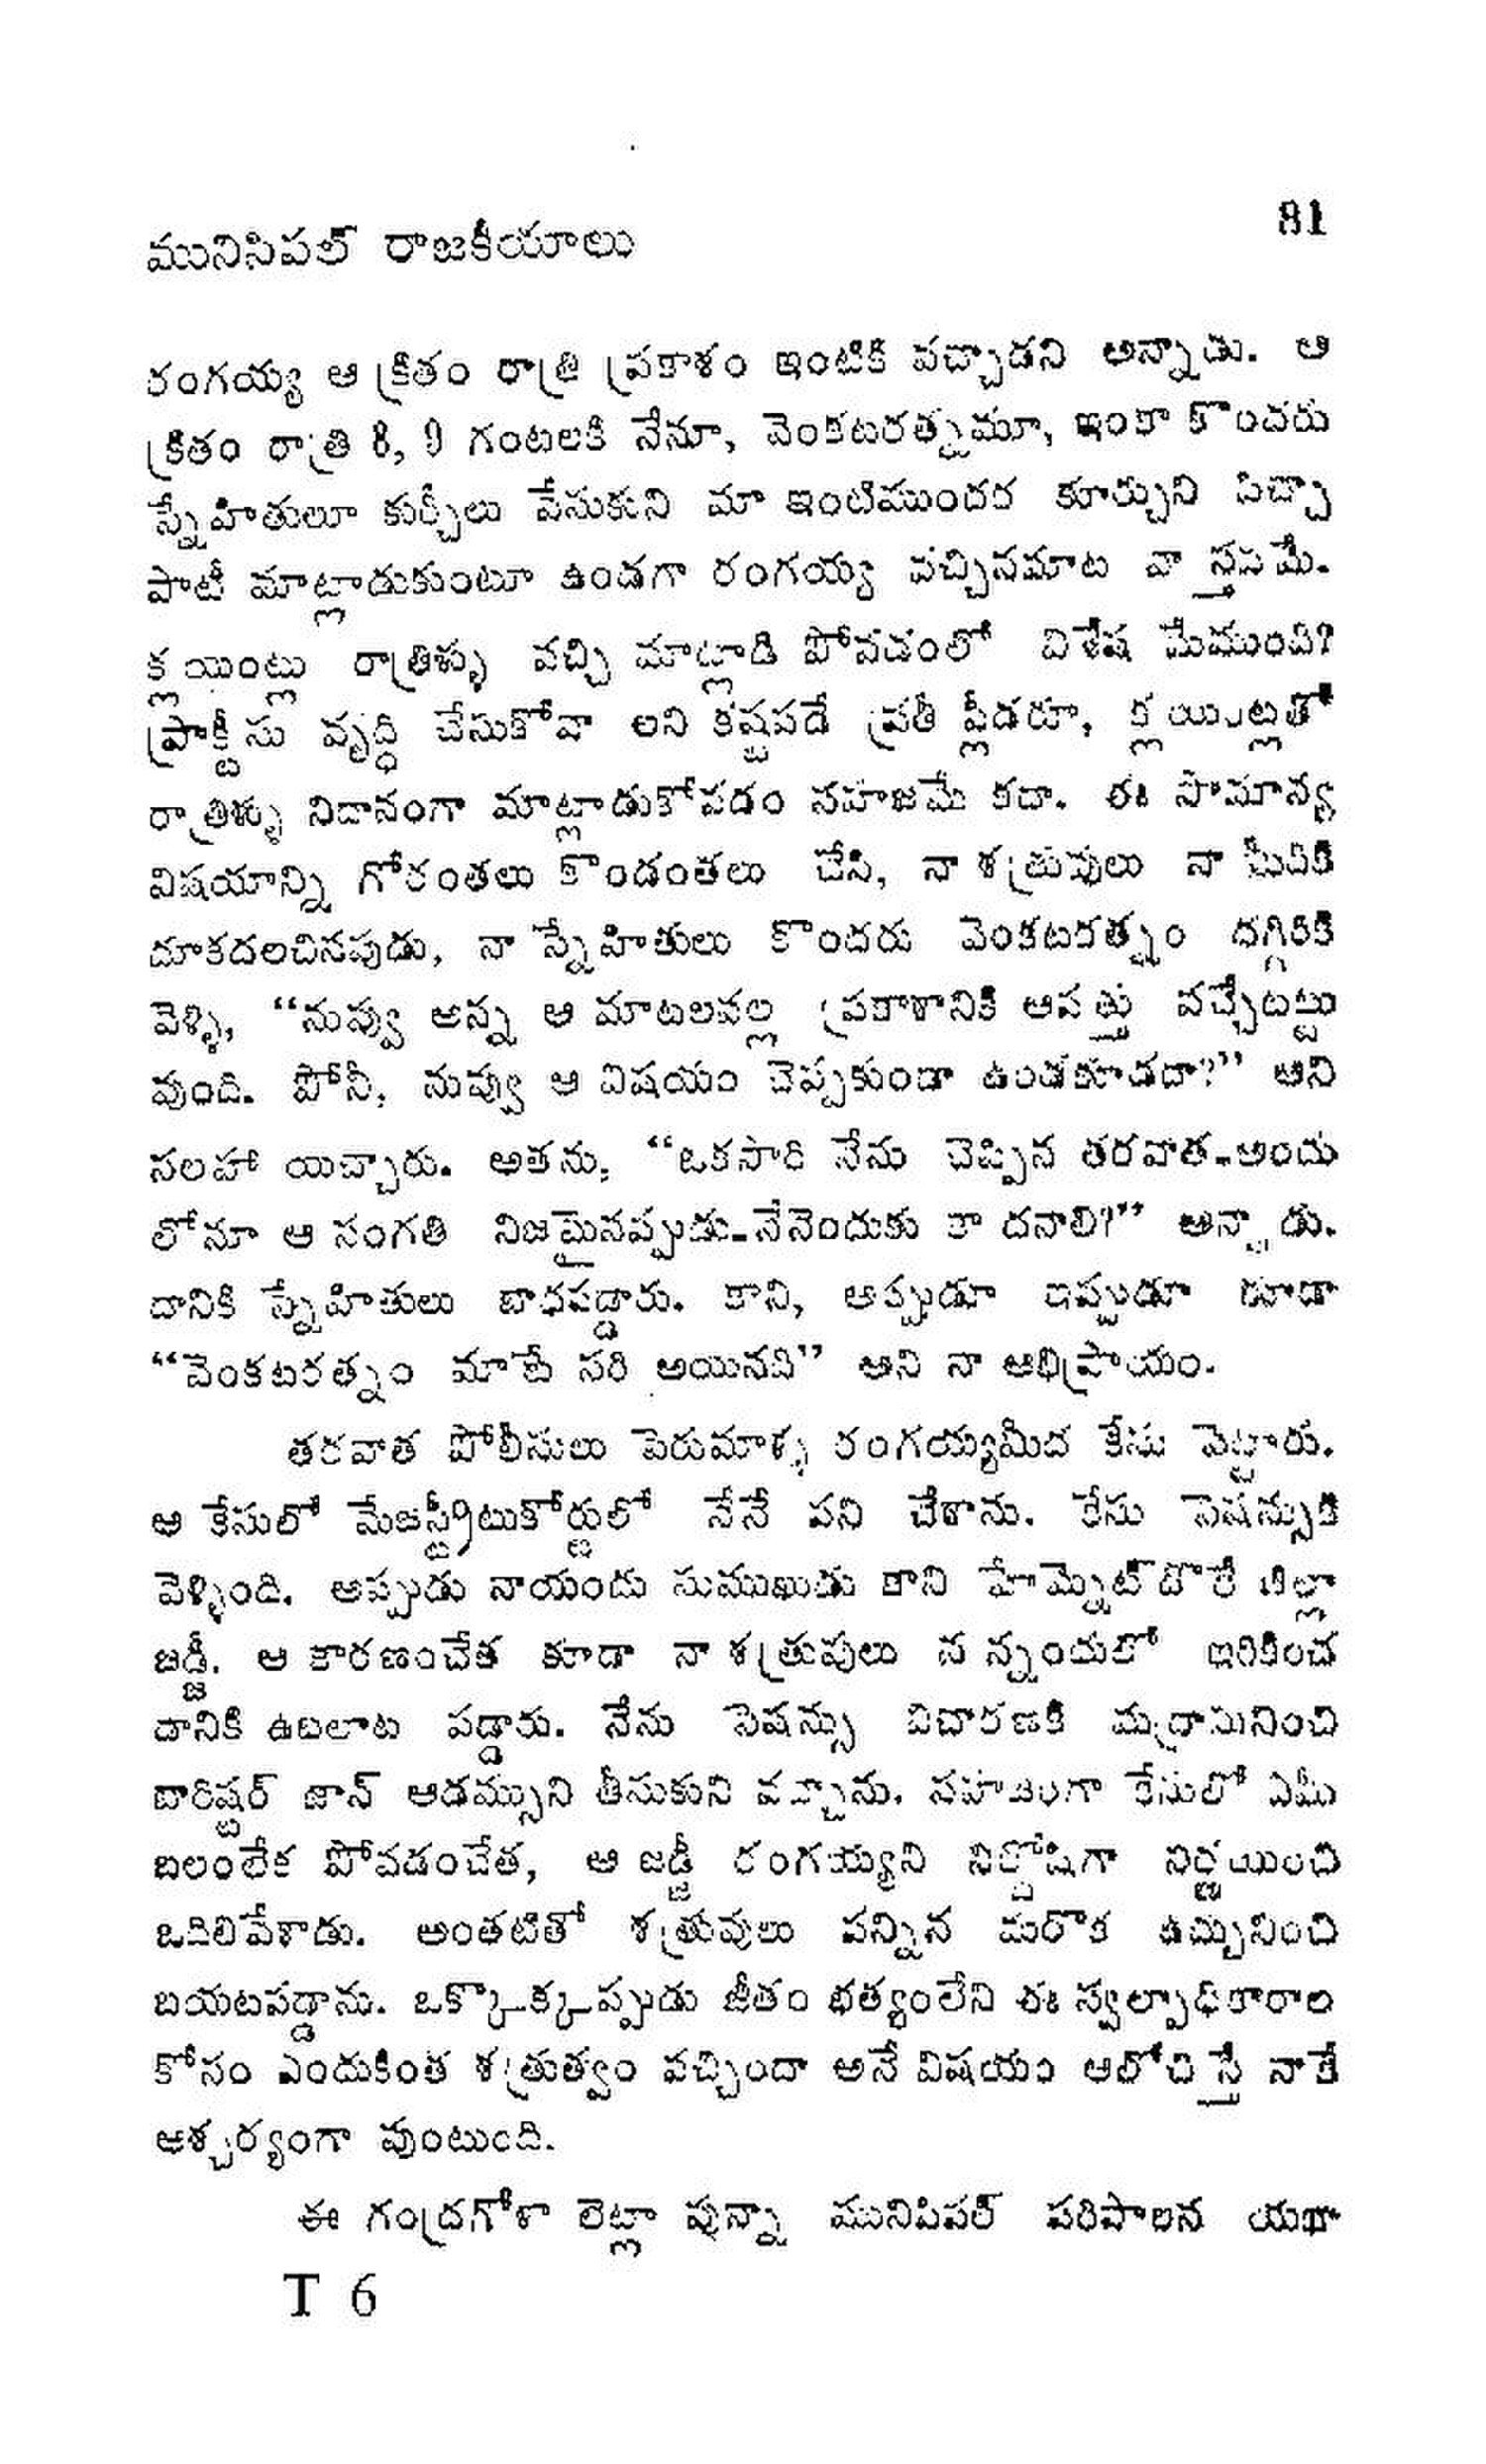రంగయ్య ఆ క్రితం రాత్రి ప్రకాశం ఇంటికి వచ్చాడని అన్నాడు. ఆ క్రితం రాత్రి 8, 9, గంటలకి నేనూ, వెంకటరత్నమూ, ఇంకా కొందరు స్నేహితులూ కుర్చీలు వేసుకుని మా ఇంటిముందర కూర్చుని పిచ్చాపాటీ మాట్లాడుకుంటూ ఉండగా రంగయ్య వచ్చినమాట వాస్తవమే. క్లయింట్లు రాత్రిళ్ళు వచ్చి మాట్లాడి పోవడంలో విశేష మేముంది? ప్రాక్టీసు వృద్ధి చేసుకోవా లని కష్టపడే ప్రతీ ప్లీడరూ, క్లయింట్లతో రాత్రిళ్ళు నిదానంగా మాట్లాడుకోవడం సహజమే కదా. ఈ సామాన్య విషయాన్ని గోరంతలు కొండంతలు చేసి, నా శత్రువులు నామీదికి దూకదలచినపుడు, నా స్నేహితులు కొందరు వెంకటరత్నం దగ్గిరికి వెళ్ళి, "నువ్వు అన్న ఆ మాటలవల్ల ప్రకాశానికి ఆపత్తు వచ్చేటట్టువుంది. పోనీ, నువ్వు ఆ విషయం చెప్పకుండా ఉండకూడదా?" అని సలహా యిచ్చారు. అతను, "ఒకసారి నేను చెప్పిన తరవాత - అందులోనూ ఆ సంగతి నిజమైనప్పుడు - నేనెందుకు కా దనాలి?" అన్నాడు. దానికి స్నేహితులు బాధపడ్డారు. కాని, అప్పుడూ ఇప్పుడూ కూడా "వెంకటరత్నం మాటే సరి అయినది" అని నా అభిప్రాయం.

తరవాత పోలీసులు పెరుమాళ్ళ రంగయ్యమీద కేసు పెట్టారు. ఆ కేసులో మేజస్ట్రీటుకోర్టులో నేనే పని చేశాను. కేసు సెషన్సుకి వెళ్ళింది. అప్పుడు నాయందు సుముఖుడు కాని హేమ్నెట్‌దొరే జిల్లా జడ్జీ. ఆ కారణంచేత కూడా నా శత్రువులు నన్నందులో ఇరికించడానికి ఉబలాట పడ్డారు. నేను సెషన్సు విచారణకి మద్రాసునించి బారిష్టర్ జాన్ ఆడమ్సుని తీసుకుని వచ్చాను. సహజంగా కేసులో ఏమీ బలంలేక పోవడంచేత, ఆ జడ్జీ రంగయ్యని నిర్దోషిగా నిర్ణయించి ఒదిలివేశాడు. అంతటితో శత్రువులు పన్నిన మరొక ఉచ్చునించి బయటపడ్డాను. ఒక్కొక్కప్పుడు జీతం భత్యంలేని ఈ స్వల్పాధికారాలకోసం ఎందుకింత శత్రుత్వం వచ్చిందా అనే విషయం ఆలోచిస్తే నాకే ఆశ్చర్యంగా వుంటుంది.

ఈ గంద్రగోళా లెట్లా వున్నా మునిసిపల్ పరిపాలన యథా